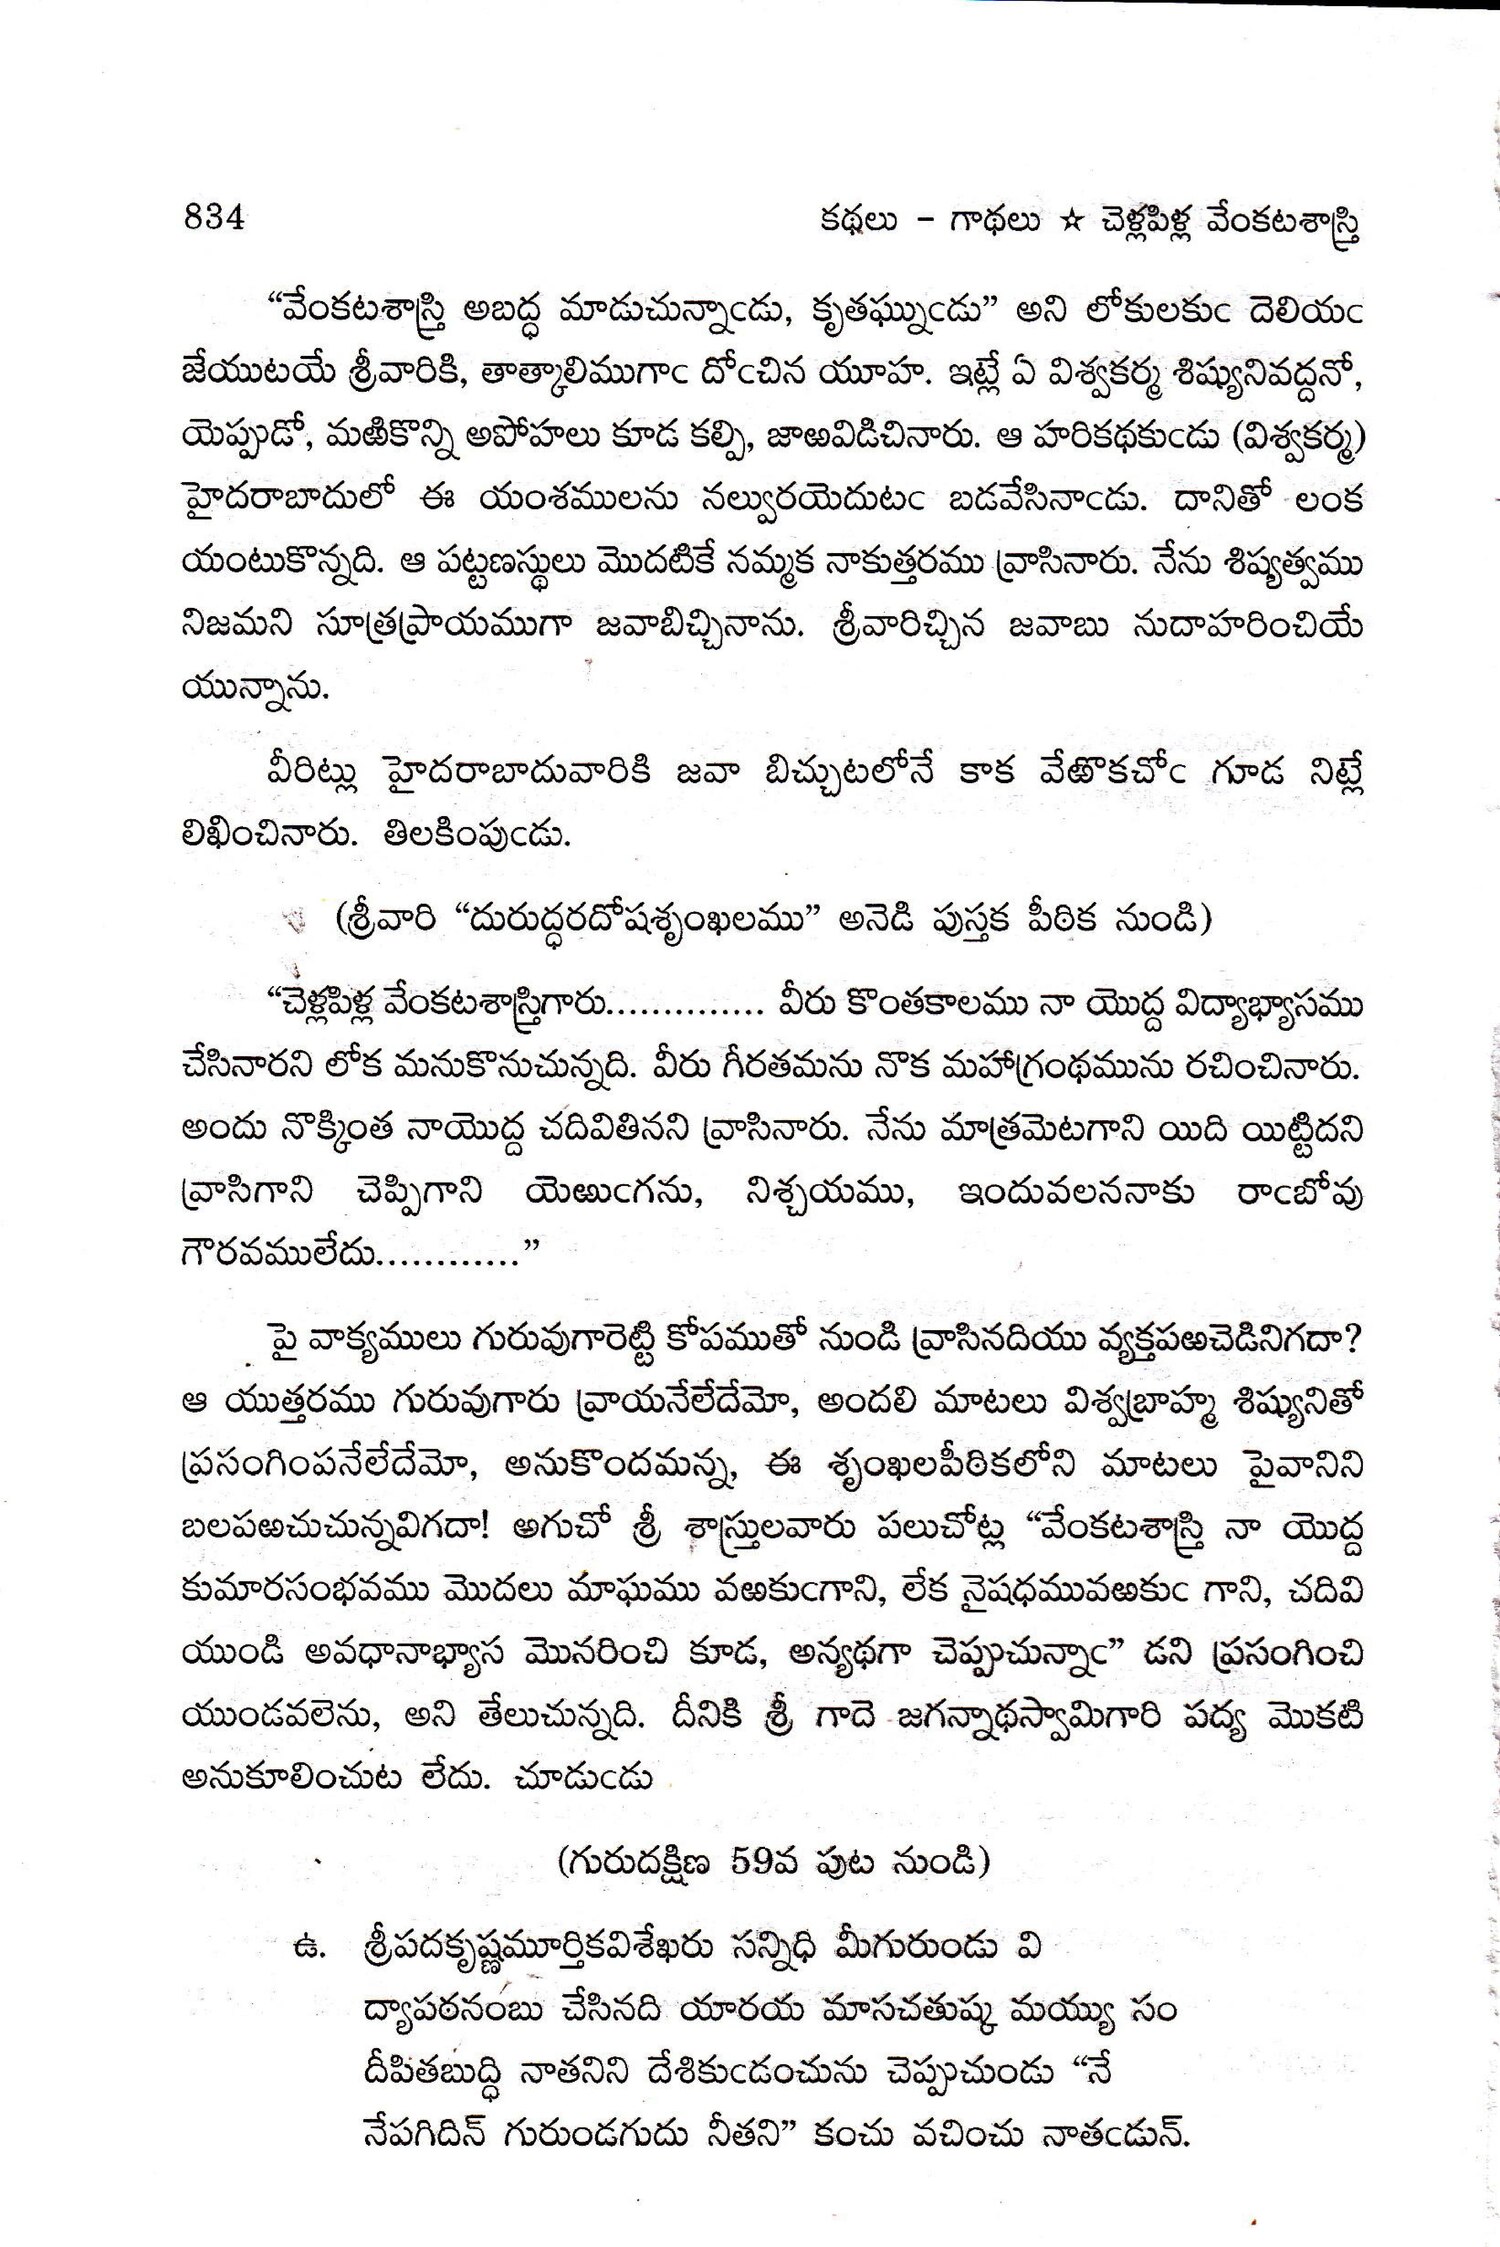"వేంకటశాస్త్రి అబద్ధ మాడుచున్నాఁడు, కృతఘ్నుఁడు” అని లోకులకుఁ దెలియఁ జేయుటయే శ్రీవారికి, తాత్కాలిముగాఁ దోఁచిన యూహ. ఇట్లే ఏ విశ్వకర్మ శిష్యునివద్దనో, యెప్పుడో, మఱికొన్ని అపోహలు కూడ కల్పి, జాఱవిడిచినారు. ఆ హరికథకుఁడు (విశ్వకర్మ) హైదరాబాదులో ఈ యంశములను నల్వురయెదుటఁ బడవేసినాఁడు. దానితో లంక యంటుకొన్నది. ఆ పట్టణస్థులు మొదటికే నమ్మక నాకుత్తరము వ్రాసినారు. నేను శిష్యత్వము నిజమని సూత్రప్రాయముగా జవాబిచ్చినాను. శ్రీవారిచ్చిన జవాబు నుదాహరించియే యున్నాను.

వీరిట్లు హైదరాబాదువారికి జవా బిచ్చుటలోనే కాక వేఱొకచోఁ గూడ నిట్లే లిఖించినారు. తిలకింపుఁడు.

"చెళ్లపిళ్ల వేంకటశాస్త్రిగారు.......... వీరు కొంతకాలము నా యొద్ద విద్యాభ్యాసము చేసినారని లోక మనుకొనుచున్నది. వీరు గీరతమను నొక మహాగ్రంథమును రచించినారు. అందు నొక్కింత నాయొద్ద చదివితినని వ్రాసినారు. నేను మాత్రమెటగాని యిది యిట్టిదని వ్రాసిగాని చెప్పిగాని యెఱుఁగను, నిశ్చయము, ఇందువలననాకు రాcబోవు గౌరవములేదు............”

పై వాక్యములు గురువుగారెట్టి కోపముతో నుండి వ్రాసినదియు వ్యక్తపఱచెడినిగదా? ఆ యుత్తరము గురువుగారు వ్రాయనేలేదేమో, అందలి మాటలు విశ్వబ్రాహ్మ శిష్యునితో ప్రసంగింపనేలేదేమో, అనుకొందమన్న ఈ శృంఖలపీఠికలోని మాటలు పైవానిని బలపఱచుచున్నవిగదా! అగుచో శ్రీ శాస్త్రులవారు పలుచోట్ల "వేంకటశాస్త్రి నా యొద్ద కుమారసంభవము మొదలు మాఘము వఱకుఁగాని, లేక నైషధమువఱకుఁ గాని, చదివి యుండి అవధానాభ్యాస మొనరించి కూడ, అన్యథగా చెప్పుచున్నాఁ" డని ప్రసంగించి యుండవలెను, అని తేలుచున్నది. దీనికి శ్రీ గాదె జగన్నాథస్వామిగారి పద్య మొకటి అనుకూలించుట లేదు. చూడుఁడు .

ఉ. శ్రీపదకృష్ణమూర్తికవిశేఖరు సన్నిధి మీగురుండు వి
 ద్యాపఠనంబు చేసినది యారయ మాసచతుష్క మయ్యు సం 
 దీపితబుద్ధి నాతనిని దేశికుఁడంచును చెప్పుచుండు "నే 
 నేపగిదిన్ గురుండగుదు నీతని” కంచు వచించు నాతఁడున్.